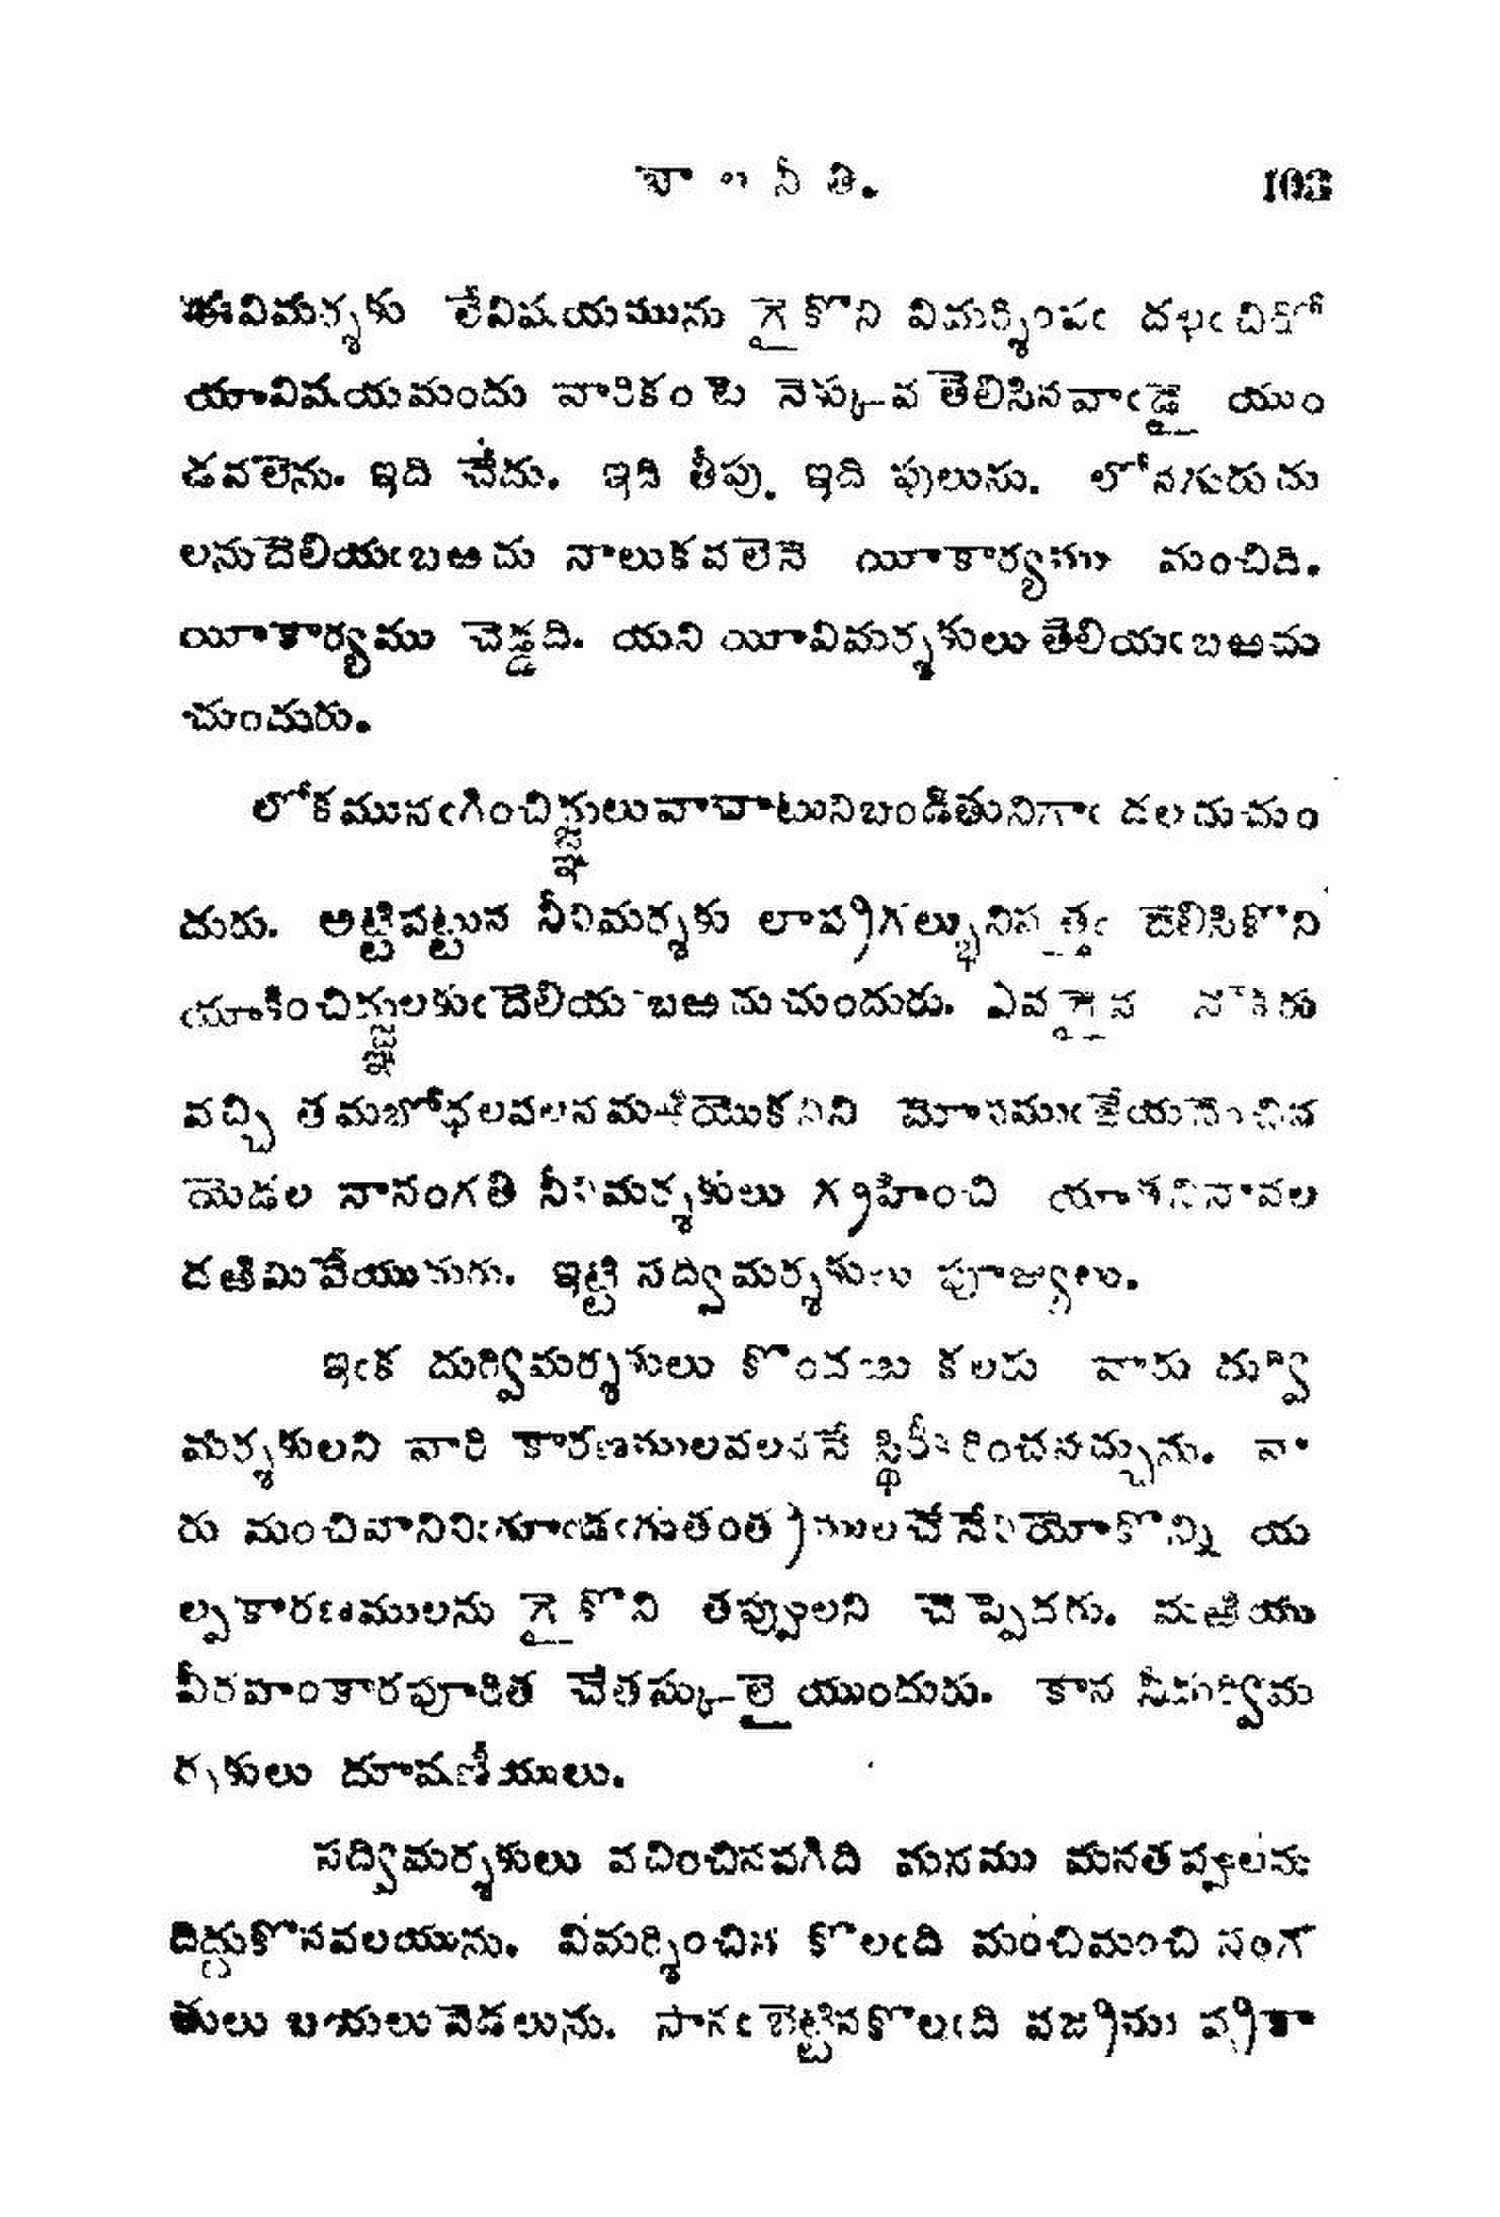ఈవిమర్శకు లేవిషయమును గైకొని విమర్శింపఁ దలఁచిరో 
యావిషయమందు వారికంటె నెక్కువ తెలివైనవాఁడై యుం
డవలెను. ఇది చేదు, ఇది తీపు, ఇది పులుసు. లోనగురుచు
లనుదెలియఁబఱచు నాలుకవలెనె యీకార్యము మంచిది, 
యీకార్యము చెడ్డది. యని యీవిమర్శకులు తెలియఁబఱచు
చుందురు.

లోకమునఁగించిద్జ్ఞులువాచాటునిబండితునిగాఁ దలచుచుం
దురు. అట్టిపట్టున నీవిమర్శకు లాప్రగల్భునిపత్తఁ దెలిసికొని 
యాకించిద్జ్ఞులకుఁదెలియ బఱచుచుందురు. ఎవరైన నొకరు 
వచ్చి తమబోధలవలనమఱియొకనిని మోసముఁజేయనెంచిన 
యెడల నాసంగతి నీవిమర్శకులు గ్రహించి యాతనినావల 
దఱిమివేయుదురు. ఇట్టి సద్విమర్శకులు పూజ్యులు.

ఇఁక దుర్విమర్శకులు కొందఱు కలరు. వారు దుర్వి
మర్శకులని వారి కారణములవలననే స్థిరీకరించవచ్చును. వా
రు మంచివానినిఁగూడఁగుతంత్రములచేనేవియోకొన్ని య
ల్పకారణములను గైకొని తప్పులని చెప్పెదరు. మఱియు 
వీరహంకారపూరిత చేతస్కులై యుందురు. కాన నీదుర్విమ
ర్శకులు దూషణీయులు.

సద్విమర్శకులు వచించినపగిది మనము మనతప్పులను 
దిద్దుకొనవలయును. విమర్శించిన కొలఁది మంచిమంచి సంగ
తులు బయలువెడలును. సానఁబెట్టినకొలఁది వజ్రము ప్రకా